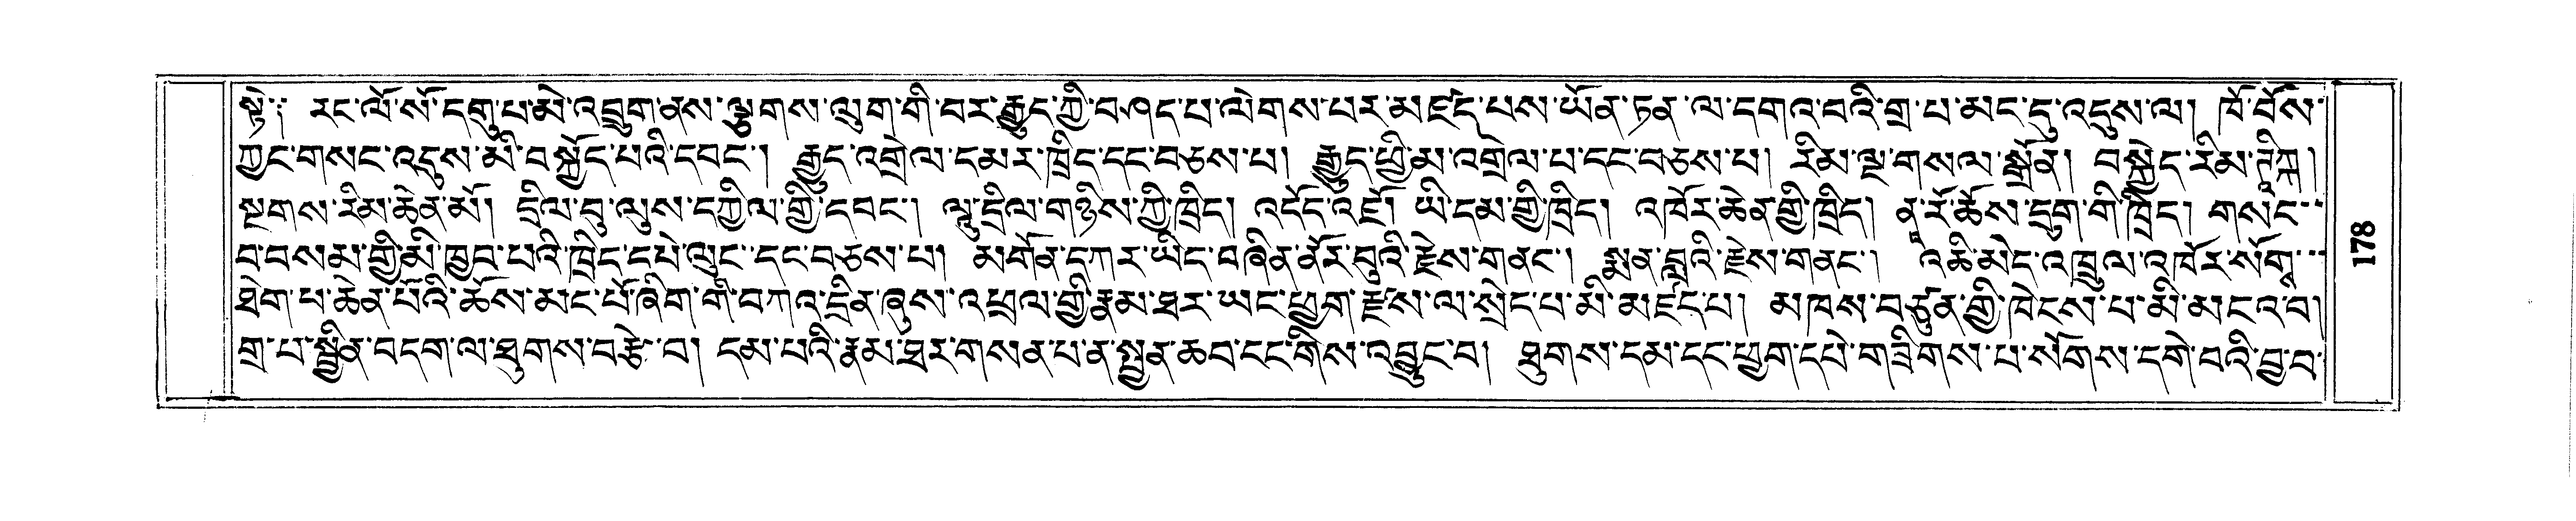སྟེ༑ རང་ལོ་སོ་དགུ་པ་མེ་འབྲུག་ནས་ལྕགས་ལུག་གི་བར་རྒྱུད་ཀྱི་བཤད་པ་ལེགས་པར་མཛད་པས་ཡོན་ཏན་ལ་དགའ་བའི་གྲ་པ་མང་དུ་འདུས་ལ། ཁོ་བོས་
ཀྱང་གསང་འདུས་མི་བསྐྱོད་པའི་དབང་། རྒྱུད་འགྲེལ་དམར་ཁྲིད་དང་བཅས་པ། རྒྱུད་ཕྱི་མ་འགྲེལ་པ་དང་བཅས་པ། རིམ་ལྔ་གསལ་སྒྲོན། བསྐྱེད་རིམ་ཊཱིཀྐ།
སྔགས་རིམ་ཆེན་མོ། དྲིལ་བུ་ལུས་དཀྱིལ་གྱི་དབང་། ལཱུ་དྲིལ་གཉིས་ཀྱི་ཁྲིད། འདོད་འཇོ། ཡི་དམ་གྱི་ཁྲིད། འཁོར་ཆེན་གྱི་ཁྲིད། ནཱ་རོ་ཆོས་དྲུག་གི་ཁྲིད། གསང་
བ་བསམ་གྱི་མི་ཁྱབ་པའི་ཁྲིད་དཔེ་ལུང་དང་བཅས་པ། མགོན་དཀར་ཡིད་བཞིན་ནོར་བུའི་རྗེས་གནང་། སྨན་བླའི་རྗེས་གནང་། འཆི་མེད་འཁྲུལ་འཁོར་སོགས་
ཐེག་པ་ཆེན་པོའི་ཆོས་མང་པོ་ཞིག་གི་བཀའ་དྲིན་ཞུས་འཕྲལ་གྱི་རྣམ་ཐར་ཡང་ཕྱག་རྫས་ལ་སྲེད་པ་མི་མཛད་པ། མཁས་བཙུན་གྱི་ཁེངས་པ་མི་མངའ་བ།
གྲ་པ་སྦྱིན་བདག་ལ་ཐུགས་བརྩེ་བ། དམ་པའི་རྣམ་ཐར་གསན་པ་ན་སྤྱན་ཆབ་ངང་གིས་འབྱུང་བ། ཐུགས་དམ་དང་ཕྱག་དཔེ་གཟིགས་པ་སོགས་དགེ་བའི་བྱ་བ་